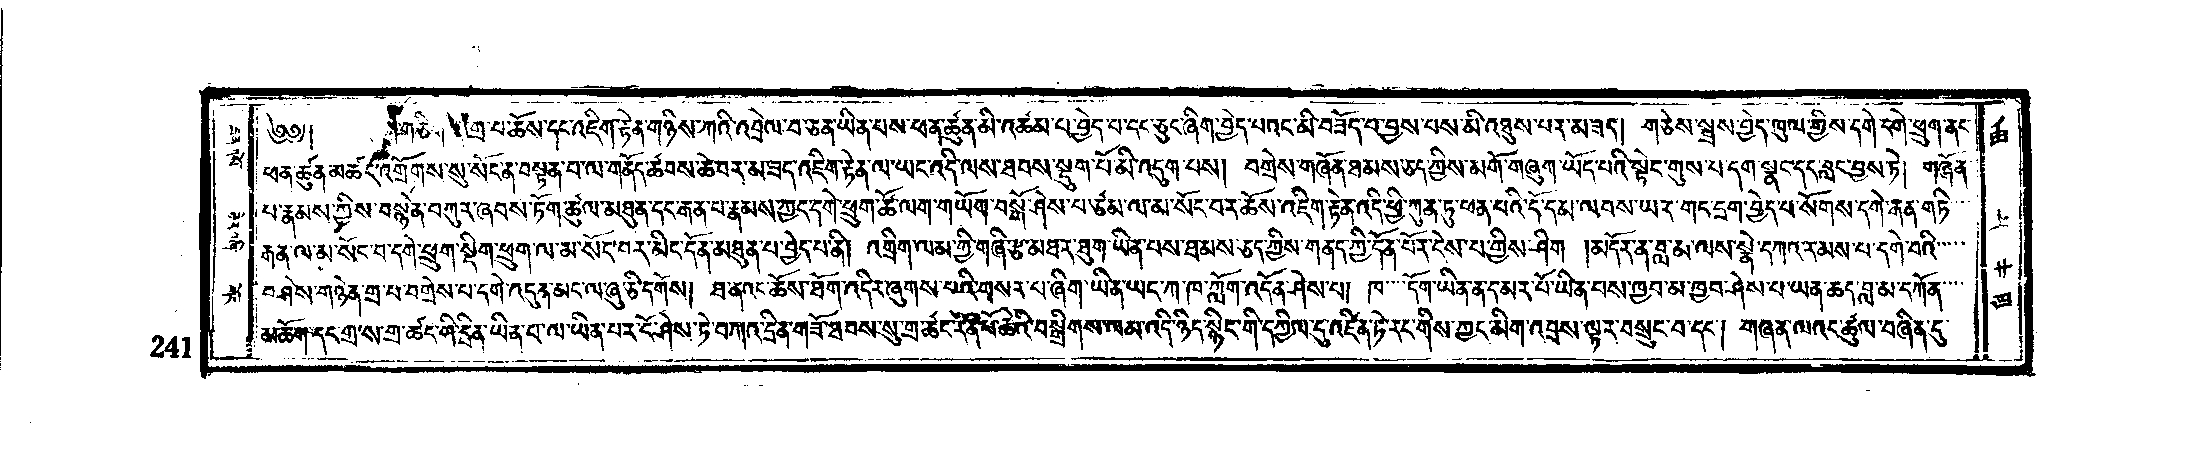༄༅། །གཅིག་དགྲ?་པ་ཆོས་དང་འཇིག་རྟེན་གཉིས་ཀའི་འབྲེལ་བ་ཅན་ཡིན་པས་ཕན་ཚུན་མི་འཚམ་པ་བྱེད་པ་དང་ཅུང་ཞིག་བྱེད་པའང་མི་བཟོད་པ་བྱས་པས་མི་འཐུས་པར་མ་ཟད། གཅེས་སྦྲས་བྱེད་ཁུལ་གྱིས་དགེ་དགེ་ཕྲུག་ནང་
ཕན་ཚུན་མཚང་འགྲོགས་སུ་སོང་ན་བསྟན་པ་ལ་གནོད་ཚབས་ཆེ་བར་མ་ཟད་འཇིག་རྟེན་ལ་ཡང་འདི་ལས་ཐབས་སྡུག་པོ་མི་འདུག་པས། བགྲེས་གཞོན་ཐམས་ཅད་ཀྱིས་མགོ་གཞུག་ཡོད་པའི་སྟེང་གུས་པ་དག་སྣང་དང་བླང་བྱས་ཏེ། གཞོན་
པ་རྣམས་ཀྱིས་བསྙེན་བཀུར་ཞབས་ཏོག་ཚུལ་མཐུན་དང་རྒན་པ་རྣམས་ཀྱང་དགེ་ཕྲུག་ཚོ་ལག་གཡོག་བསྒོ་ཤེས་པ་ཙམ་ལ་མ་སོང་བར་ཆོས་འཇིག་རྟེན་འདི་ཕྱི་ཀུན་ཏུ་ཕན་པའི་དོ་དམ་ལབས་ཡར་གང་དྲག་བྱེད་པ་སོགས་དགེ་རྒན་གཏི་
རྒན་ལ་མ་སོང་བ་དགེ་ཕྲུག་སྡིག་ཕྲུག་ལ་མ་སོང་བར་མིང་དོན་མཐུན་པ་བྱེད་པ་ནི། འགྲིག་ལམ་གྱི་གཞི་རྩ་མཐར་ཐུག་ཡིན་པས་ཐམས་ཅད་ཀྱིས་གནད་ཀྱི་དོན་པོར་ངེས་པ་གྱིས་ཤིག །མདོར་ན་བླ་མ་ལས་སྣེ་དཀའ་རམས་པ་དགེ་བའི་
བཤེས་གཉེན་གྲ་པ་བགྲེས་པ་དགེ་འདུན་མང་ལ་ཞུ་ཅི་དགོས། ཐ་ནའང་ཆོས་ཐོག་འདིར་ཞུགས་པའི་གསར་པ་ཞིག་ཡིན་ཡང་ཀ་ཁ་ཀློག་འདོན་ཤེས་པ། ཁ་དོག་ཡིན་ན་དམར་པོ་ཡིན་པས་ཁྱབ་མ་ཁྱབ་ཤེས་པ་ཡན་ཆད་བླ་མ་དཀོན་
མཆོག་དང་གྲ་ས་གྲ་ཚང་གི་དྲིན་ཡིན་པ་ལ་ཡིན་པར་ངོ་ཤེས་ཏེ་བཀའ་དྲིན་གཟོ་ཐབས་སུ་གྲ་ཚང་རིན་པོ་ཆེའི་བསྒྲིགས་ལམ་འདི་ཉིད་སྙིང་གི་དཀྱིལ་དུ་འཛིན་ཏེ་རང་གིས་ཀྱང་མིག་འབྲས་ལྟར་བསྲུང་བ་དང་། གཞན་ལའང་ཚུལ་བཞིན་དུ་